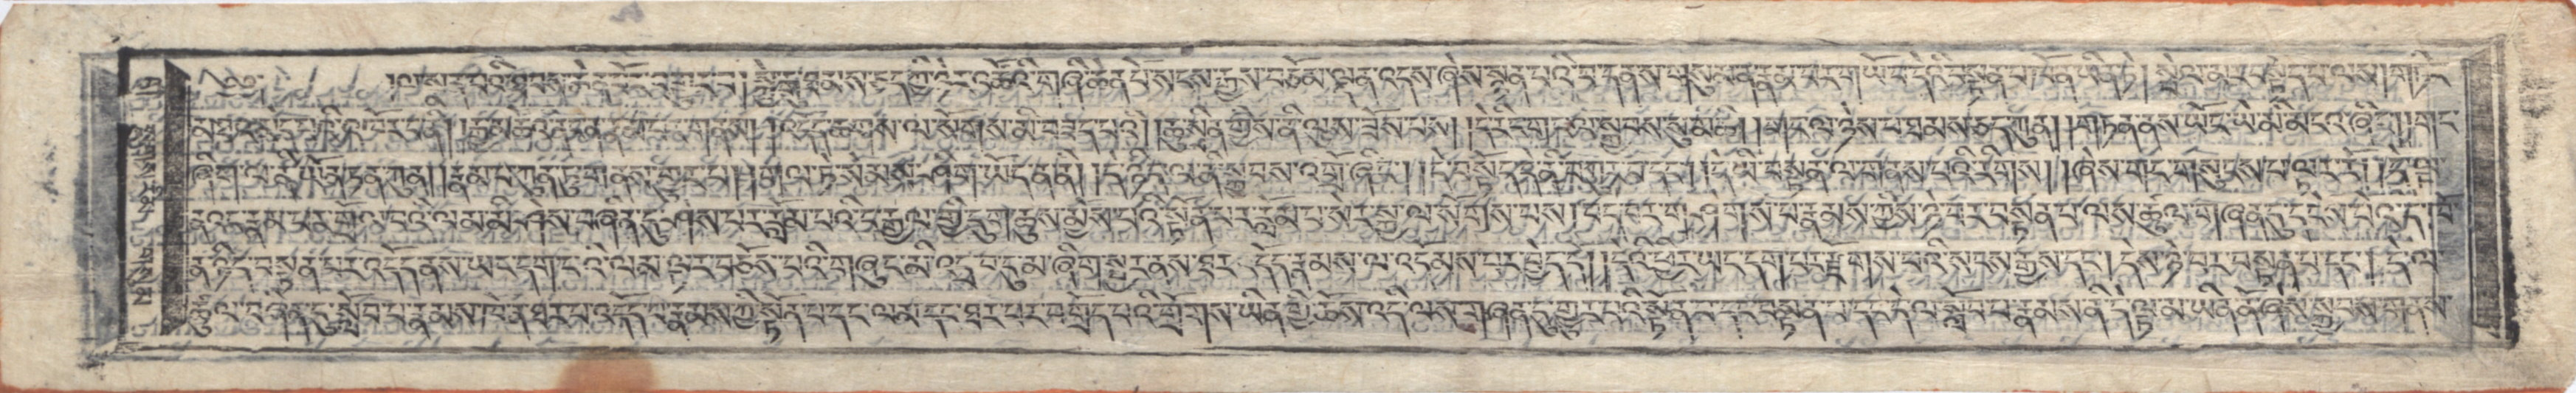༄༅། །ལ་སྣན་པའི་ཐབས་ཆེན་པོར་འགྱུར་པ། སྐྱེ་རྒུ་ཐམས་ཅད་ཀྱི་ཉེར་འཚོའི་གཞི་ཆེན་པོ་སངས་རྒྱས་བཅོམ་ལྡན་འདས་ཞེས་སྙན་པའི་བ་དན་ས་གསུམ་ན་རྣམ་པར་གཡོ་བ་དེའི་བསྟན་པ་ཁོ་ན་ཡིན་ཏེ། སྤེལ་མར་བསྟོད་པ་ལས། གཏིང་
མཐའ་མེད་པའི་འཁོར་བ་ནི། །རྒྱ་མཚོའི་ནང་ན་རྣམ་པར་གནས། །འདོད་ཆགས་ལ་སོགས་མི་བཟད་པའི། །ཆུ་སྲིན་གྱིས་ནི་ལུས་ཟོས་པས། །དེ་རིང་གང་ལ་སྐྱབས་སུ་མཆི། །གང་ལ་ཉེས་པ་ཐམས་ཅད་ཀུན། །གཏན་ནས་ཡོང་ཡེ་མི་མངའ་ཞིང་། །གང་
ཞིག་ལ་ནི་ཡོན་ཏན་ཀུན། །རྣམ་པ་ཀུན་ཏུ་གནས་གྱུར་པ། །གལ་ཏེ་སེམས་ཤིག་ཡོད་ན་ནི། །དེ་ཉིད་ལ་ནི་སྐྱབས་འགྲོ་ཞིང་། །དེ་བསྟོད་དེ་ནི་བཀུར་བ་དང་། །དེ་ཡི་བསྟན་ལ་གནས་པའི་རིགས། །ཞེས་གང་གསུངས་པ་ལྟར་རོ། །དེ་ལྟ་
ནའང་རྣམ་པར་གྲོལ་བའི་ལམ་མི་ཤེས་བཞིན་དུ་ཤེས་པར་རློམ་པའི་ང་རྒྱལ་གྱི་དུག་ཆུས་མྱོས་པའི་སྟོན་པར་རློམ་པ་སེར་སྐྱ་ལ་སོགས་པས། བདེ་བར་གཤེགས་པ་རྣམས་ཀྱིས་ཉེ་བར་བསྟན་པ་ལས་ཚུལ་གཞན་དུ་དངོས་པོའི་དེ་ཁོ་
ན་ཉིད་བསྟན་པར་འདོད་ནས་ཡང་དག་པའི་ལམ་ལྟར་བཅོས་པའི་གཞུང་མི་འདྲ་བ་དུ་མ་ཞིག་སྦྱར་ནས་ཐར་འདོད་རྣམས་ལ་འདོམས་པར་བྱེད་དོ། །དེའི་ཕྱིར་ཡང་དག་པར་རྫོགས་པའི་སངས་རྒྱས་དང་། དེས་ཉེ་བར་བསྟན་པ་དང་། དེ་ལ་
ཚུལ་བཞིན་དུ་སློབ་པ་རྣམས་ཁོ་ན་ཐར་པ་འདོད་པ་རྣམས་ཀྱི་སྟོན་པ་དང་ལམ་དང་ཐར་པར་བགྲོད་པའི་གྲོགས་ཡིན་གྱི་ཆོས་འདི་ལས་གཞན་དུ་གྱུར་པའི་སྟོན་པ་དང་བསྟན་པ་དང་དེ་ལ་སློབ་པ་རྣམས་ནི་དེ་ལྟ་མ་ཡིན་ནོ་ཞེས་སྐྱབས་གནས་